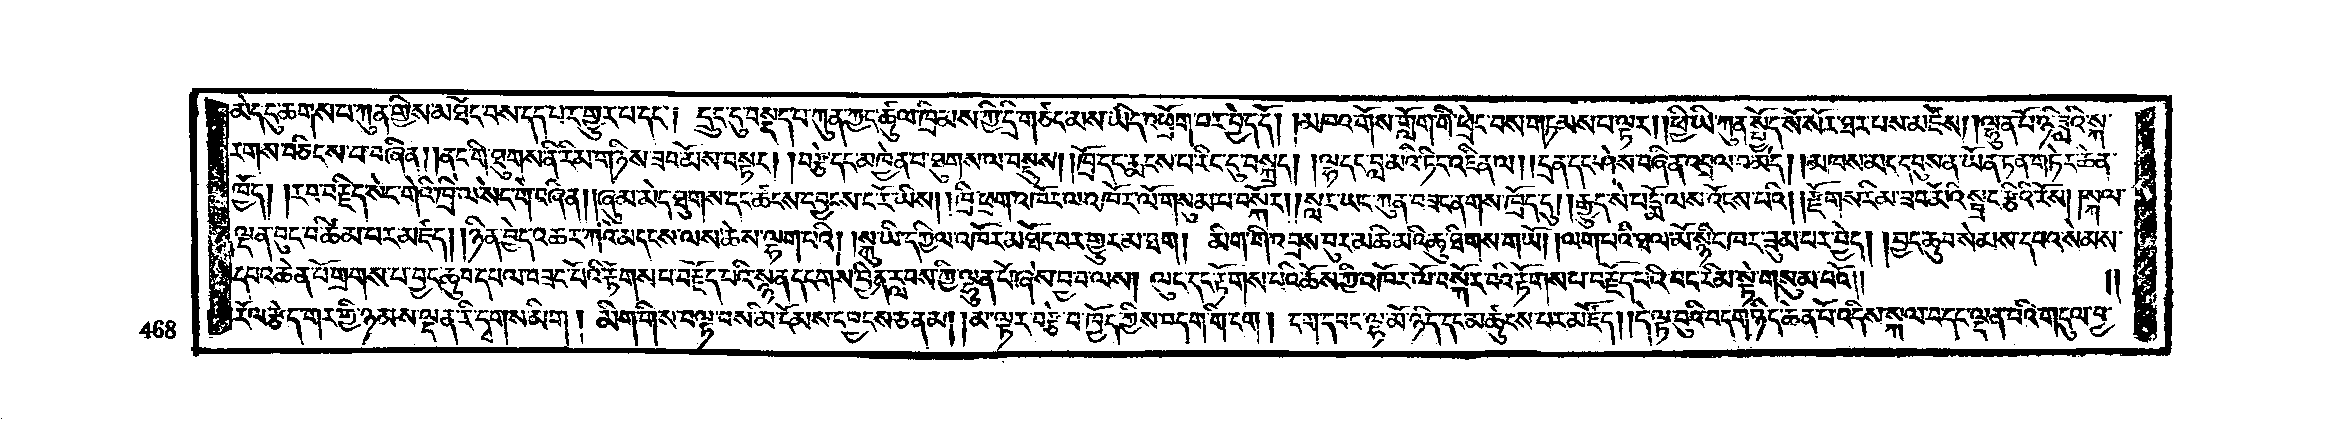མེད་དུ་ཆགས་པ་ཀུན་གྱིས་མཐོང་བས་དད་པར་གྱུར་པ་དང་། དྲུང་དུ་བསད་པ་ཀུན་ཀྱང་ཚུལ་ཁྲིམས་ཀྱི་དྲི་གཙང་མས་ཡིད་འཕྲོག་པར་བྱེད་དོ། །མཁའ་གོས་གློག་གི་ཕྲེང་བས་གཏམས་པ་ལྟར། །ཕྱི་ཡི་ཀུན་སྤྱོད་སོ་སོར་ཐར་པས་མཛེས། །ལྷུན་པོ་ཉི་ཟླའི་སྐ་
རགས་བཅིངས་པ་བཞིན། །ནང་གི་ཐུགས་ནི་རིམ་གཉིས་ཟབ་མོས་བསྟར། །བརྩེ་དང་མཁྱེན་པ་ཐུགས་ལ་བསྡུས། །ཁྲོ་དང་རྨངས་པ་རིང་དུ་བསྐྲད། །ལྷ་དང་བླ་མའི་ཏིང་འཛིན་ལ། །དྲན་དང་ཤེས་བཞིན་འབྲལ་བ་མེད། །མཁས་མང་དབུས་ན་ཡོན་ཏན་གཏེར་ཆེན་
ཁྱོད། །རབ་བརྗིད་སེང་གེའི་ཁྲི་ལ་སེང་གེ་བཞིན། །ཞུམ་མེད་ཐུགས་དང་ཚངས་དབྱངས་ང་རོ་ཡིས། །ཁྲི་ཕྲག་འཁོར་ལ་འཁོར་ལོ་གསུམ་པ་བསྐོར། །སླར་ཡང་ཀུན་བཟང་ནགས་ཁྲོད་དུ། །རྒྱུད་སྡེ་པདམོ་ལས་འོངས་པའི། །རྫོགས་རིམ་ཟབ་མོའི་སྦྲང་རྩའི་རོས། །སྐལ་
ལྡན་བུང་བ་ཚིམ་པར་མཛད། །ཉིན་བྱེད་འཆར་ཀའེ་མདངས་ལས་ཆེས་ལྷག་པའི། །སྐུ་ཡི་དཀྱིལ་འཁོར་མཐོང་བར་གྱུར་མ་ཐག། མིག་གི་འབྲས་བུར་མཆི་མའི་ཆུ་ཐིགས་གཡེ། །ལག་པའི་ཐལ་མོ་སྙིང་ཁར་ཟུམ་པར་བྱེད། །བྱང་ཆུབ་སེམས་དཔའ་སེམས་
དཔའ་ཆེན་པོ་གྲགས་པ་བྱང་ཆུབ་དཔལ་བཟང་པོའི་རྟོགས་པ་བརྗོད་པའི་སྙན་དངགས་བྱིན་རླབས་ཀྱི་ལྷུན་པོ་ཞེས་བྱ་བ་ལས། ལུང་དང་རྟོགས་པའི་ཆོས་ཀྱི་འཁོར་ལོ་བསྐོར་བའི་རྟོགས་པ་བརྗོད་པའི་བང་རིམ་སྟེ་གསུམ་པའོ།། །།
རོལ་རྩེད་གར་གྱི་ཉམས་ལྡན་རི་དྭགས་མིག །མིག་གིས་བལྟ་བས་མི་ངོམས་དབྱངས་ཅན་མ། །མ་ལྟར་བརྩེ་བ་ཁྱོད་ཀྱིས་བདག་གི་ངག། ངག་དབང་ལྷ་མོ་ཉིད་དང་མཚུངས་པར་མཛོད། །དེ་ལྟ་བུའི་བདག་སྙིད་ཆེན་པོ་འདིས་སྐལ་བ་དང་ལྡན་པའི་གདུལ་བྱ་